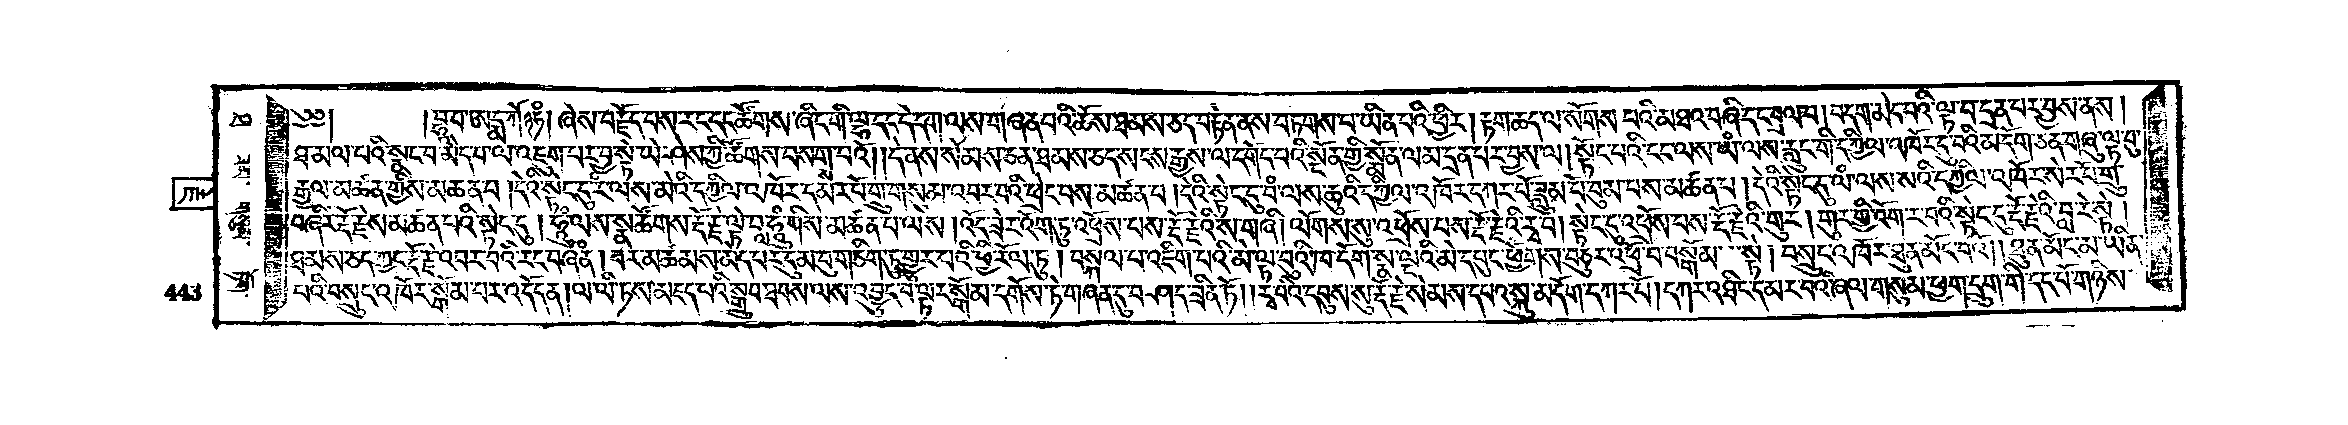༄༅། །བྷཱ་བ་ཨདམ་ཀོཉྷཾ། ཞེས་བརྗོད་པས་རང་དང་ཚོགས་ཞིང་གི་ལྷ་དང་དེ་དག་ལས་གཞན་པའི་ཆོས་ཐམས་ཅད་བརྟེན་ནས་བཏགས་པ་ཡིན་པའི་ཕྱིར། རྟག་ཆད་ལ་སོགས་པའི་མཐའ་བཞི་དང་བྲལ་བ། བདག་མེད་པའི་ལྟ་བ་དྲན་པར་བྱས་ནས།
ཐ་མལ་པའི་སྣང་བ་མེད་པ་ལ་འཇུག་པར་བྱ་སྟེ་ཡེ་ཤེས་ཀྱི་ཚོགས་བསགས་པའོ། །དེ་ནས་སེམས་ཅན་ཐམས་ཅད་སངས་རྒྱས་ལ་དགོད་པའི་སྔོན་གྱི་སྨིན་ལམ་དྲན་པར་བྱས་ལ། སྟོང་པའི་ངང་ལས་ཡཾ་ལས་རླུང་གི་དཀྱིལ་འཁོར་དུ་བའི་མདོག་ཅན་གཞུ་ལྟ་བུ་
རྒྱལ་མཚན་གྱིས་མཚན་པ། དེའི་སྟེང་དུ་རཾ་ལས་མེའི་དཀྱིལ་འཁོར་དམར་པོ་གྲུ་གསུམ་འབར་བའི་ཕྲེང་བས་མཚན་པ། དེའི་སྟེང་དུ་བཾ་ལས་ཆུའི་དཀྱིལ་འཁོར་དཀར་པོ་ཟླུམ་པོ་བུམ་པས་མཚན་པ། དེའི་སྟེང་དུ་ལཾ་ལས་སའི་དཀྱིལ་འཁོར་སེར་པོ་གྲུ་
བཞིར་རྡོ་རྗེས་མཚན་པའི་སྟེང་དུ། ཧཱུཾ་ལས་སྣ་ཚོགས་རྡོ་རྗེ་ལྟེ་བལ་ཧཱུཾ་གིས་མཚན་པ་ལས། འོད་ཟེར་འོག་ཏུ་འཕྲོས་པས་རྡོ་རྗེའི་ས་གཞི། ལོགས་སུ་འཕྲོས་པས་རྡོ་རྗེའི་རྭ་བ། སྟེང་དུ་འཕྲོས་པས་རྡོ་རྗེའི་གུར། གུར་གྱི་འོག་ར་བའི་སྟེང་དུ་རྡོ་རྗེའི་བླ་རེ་སྟེ།
ཐམས་ཅད་ཀྱང་རྡོ་རྗེ་འབར་བའི་རང་བཞིན། བར་མཚམས་མེད་པར་དུམ་བུ་གཅིག་ཏུ་གྱུར་པའི་ཕྱི་རོལ་ཏུ། བསྐལ་བ་འཇིག་པའི་མེ་ལྟ་བུའི་ཁ་དོག་སྣ་ལྔའི་མེ་དཔུང་ཕྱོགས་བཅུར་འཕྲོ་བ་བསྒོམ་སྟེ། བསྲུང་འཁོར་ཐུན་མོང་བའོ། །ཐུན་མོང་མ་ཡིན་
པའི་བསྲུང་འཁོར་སྒོམ་པར་འདོད་ན། ལ་ལི་ཏས་མཛད་པའི་སྒྲུབ་ཐབས་ལས་འབྱུང་བ་ལྟར་སྒོམ་དགོས་ཏེ་གཞན་དུ་བཤད་ཟིན་ཏོ། །རྭ་བའི་དབུས་སུ་རྡོ་རྗེ་སེམས་དཔའ་སྐུ་མདོག་དཀར་པོ། དཀར་འཐིང་དམར་བའི་ཞལ་གསུམ་ཕྱག་དྲུག་གི་དང་པོ་གཉིས་